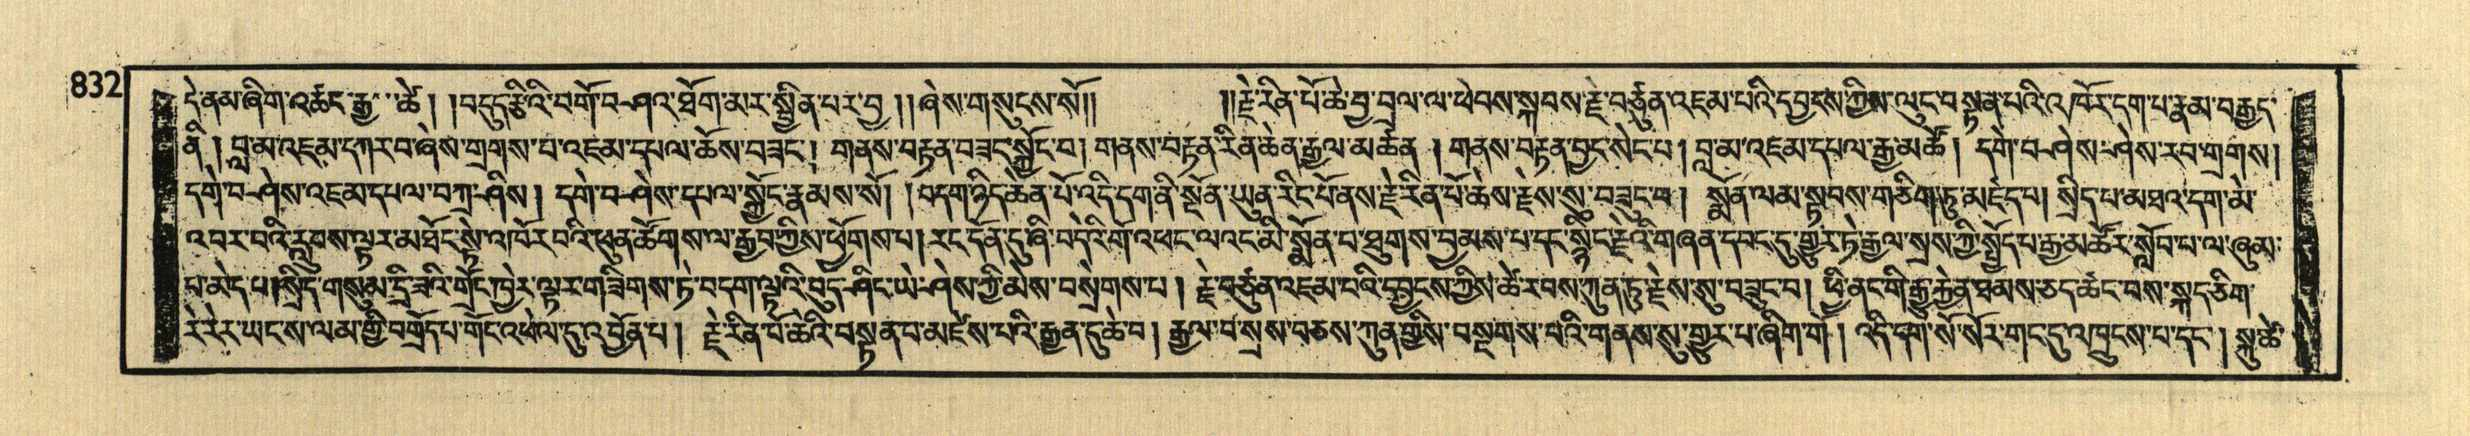དེ་ནམ་ཞིག་འཚང་རྒྱ་ཚེ། །བདུད་རྩིའི་བགོ་བཤའ་ཐོག་མར་སྦྱིན་པར་བྱ། །ཞེས་གསུངས་སོ།། །།རྗེ་རིན་པོ་ཆེ་བྱ་བྲལ་ལ་ཕེབས་སྐབས་རྗེ་བཙུན་འཇམ་པའི་དབྱངས་ཀྱིས་ལུང་བསྟན་པའི་འཁོར་དག་པ་རྣམ་བརྒྱད་
ནི། བླ་མ་འཇམ་དཀར་བ་ཞེས་གྲགས་པ་འཇམ་དཔལ་ཆོས་བཟང་། གནས་བརྟན་བཟང་སྐྱོང་བ། གནས་བརྟན་རིན་ཆེན་རྒྱལ་མཚན་།གནས་བརྟན་བྱང་སེང་པ། བླ་མ་འཇམ་དཔལ་རྒྱ་མཚོ། དགེ་བཤེས་ཤེས་རབ་གྲགས།
དགེ་བཤེས་འཇམ་དཔལ་བཀྲ་ཤིས། དགེ་བཤེས་དཔལ་སྐྱོང་རྣམས་སོ། །བདག་ཉིད་ཆེན་པོ་འདི་དག་ནི་སྔོན་ཡུན་རིང་པོ་ནས་རྗེ་རིན་པོ་ཆེས་རྗེས་སུ་བཟུང་བ། སྨོན་ལམ་སྟབས་གཅིག་ཏུ་མཛད་པ། །སྲིད་པ་མཐའ་དག་མེ་
འབར་བའི་རླུབས་ལྟར་མཐོང་སྟེ་འཁོར་བའི་ཕུན་ཚོགས་ལ་རྒྱབ་ཀྱིས་ཕྱོགས་པ། རང་དོན་དུ་ཞི་བདེའི་གོ་འཕང་ལའང་མི་སྨོན་པ་ཐུགས་བྱམས་པ་དང་སྙིང་རྗེའི་གཞན་དབང་དུ་གྱུར་ཏེ་རྒྱལ་སྲས་ཀྱི་སྤྱོད་པ་རྒྱ་མཚོར་སློབ་པ་ལ་ཞུམ་
པ་མེད་པ། སྲིད་གསུམ་དྲི་ཟའི་གྲོང་ཁྱེར་ལྟར་གཟིགས་ཏེ་བདག་ལྟའི་བུད་ཤིང་ཡེ་ཤེས་ཀྱི་མེས་བསྲེགས་པ། རྗེ་བཙུན་འཇམ་པའི་དབྱངས་ཀྱིས་ཚེ་རབས་ཀུན་ཏུ་རྗེས་སུ་བཟུང་བ། ཕྱི་ནང་གི་རྒྱུ་རྐྱེན་ཐམས་ཅད་ཚང་བས་སྐད་ཅིག་
རེ་རེར་ཡང་ས་ལམ་གྱི་བགྲོད་པ་གོང་འཕེལ་དུ་འབྱོན་པ། རྗེ་རིན་པོ་ཆེའི་བསྟན་པ་མཛེས་པའི་རྒྱན་དུ་ཆེ་བ། རྒྱལ་བ་སྲས་བཅས་ཀུན་གྱིས་བསྔགས་པའི་གནས་སུ་གྱུར་པ་ཞིག་གོ། འདི་དག་སོ་སོར་གང་དུ་འཁྲུངས་པ་དང་། སྐུ་ཚེ་